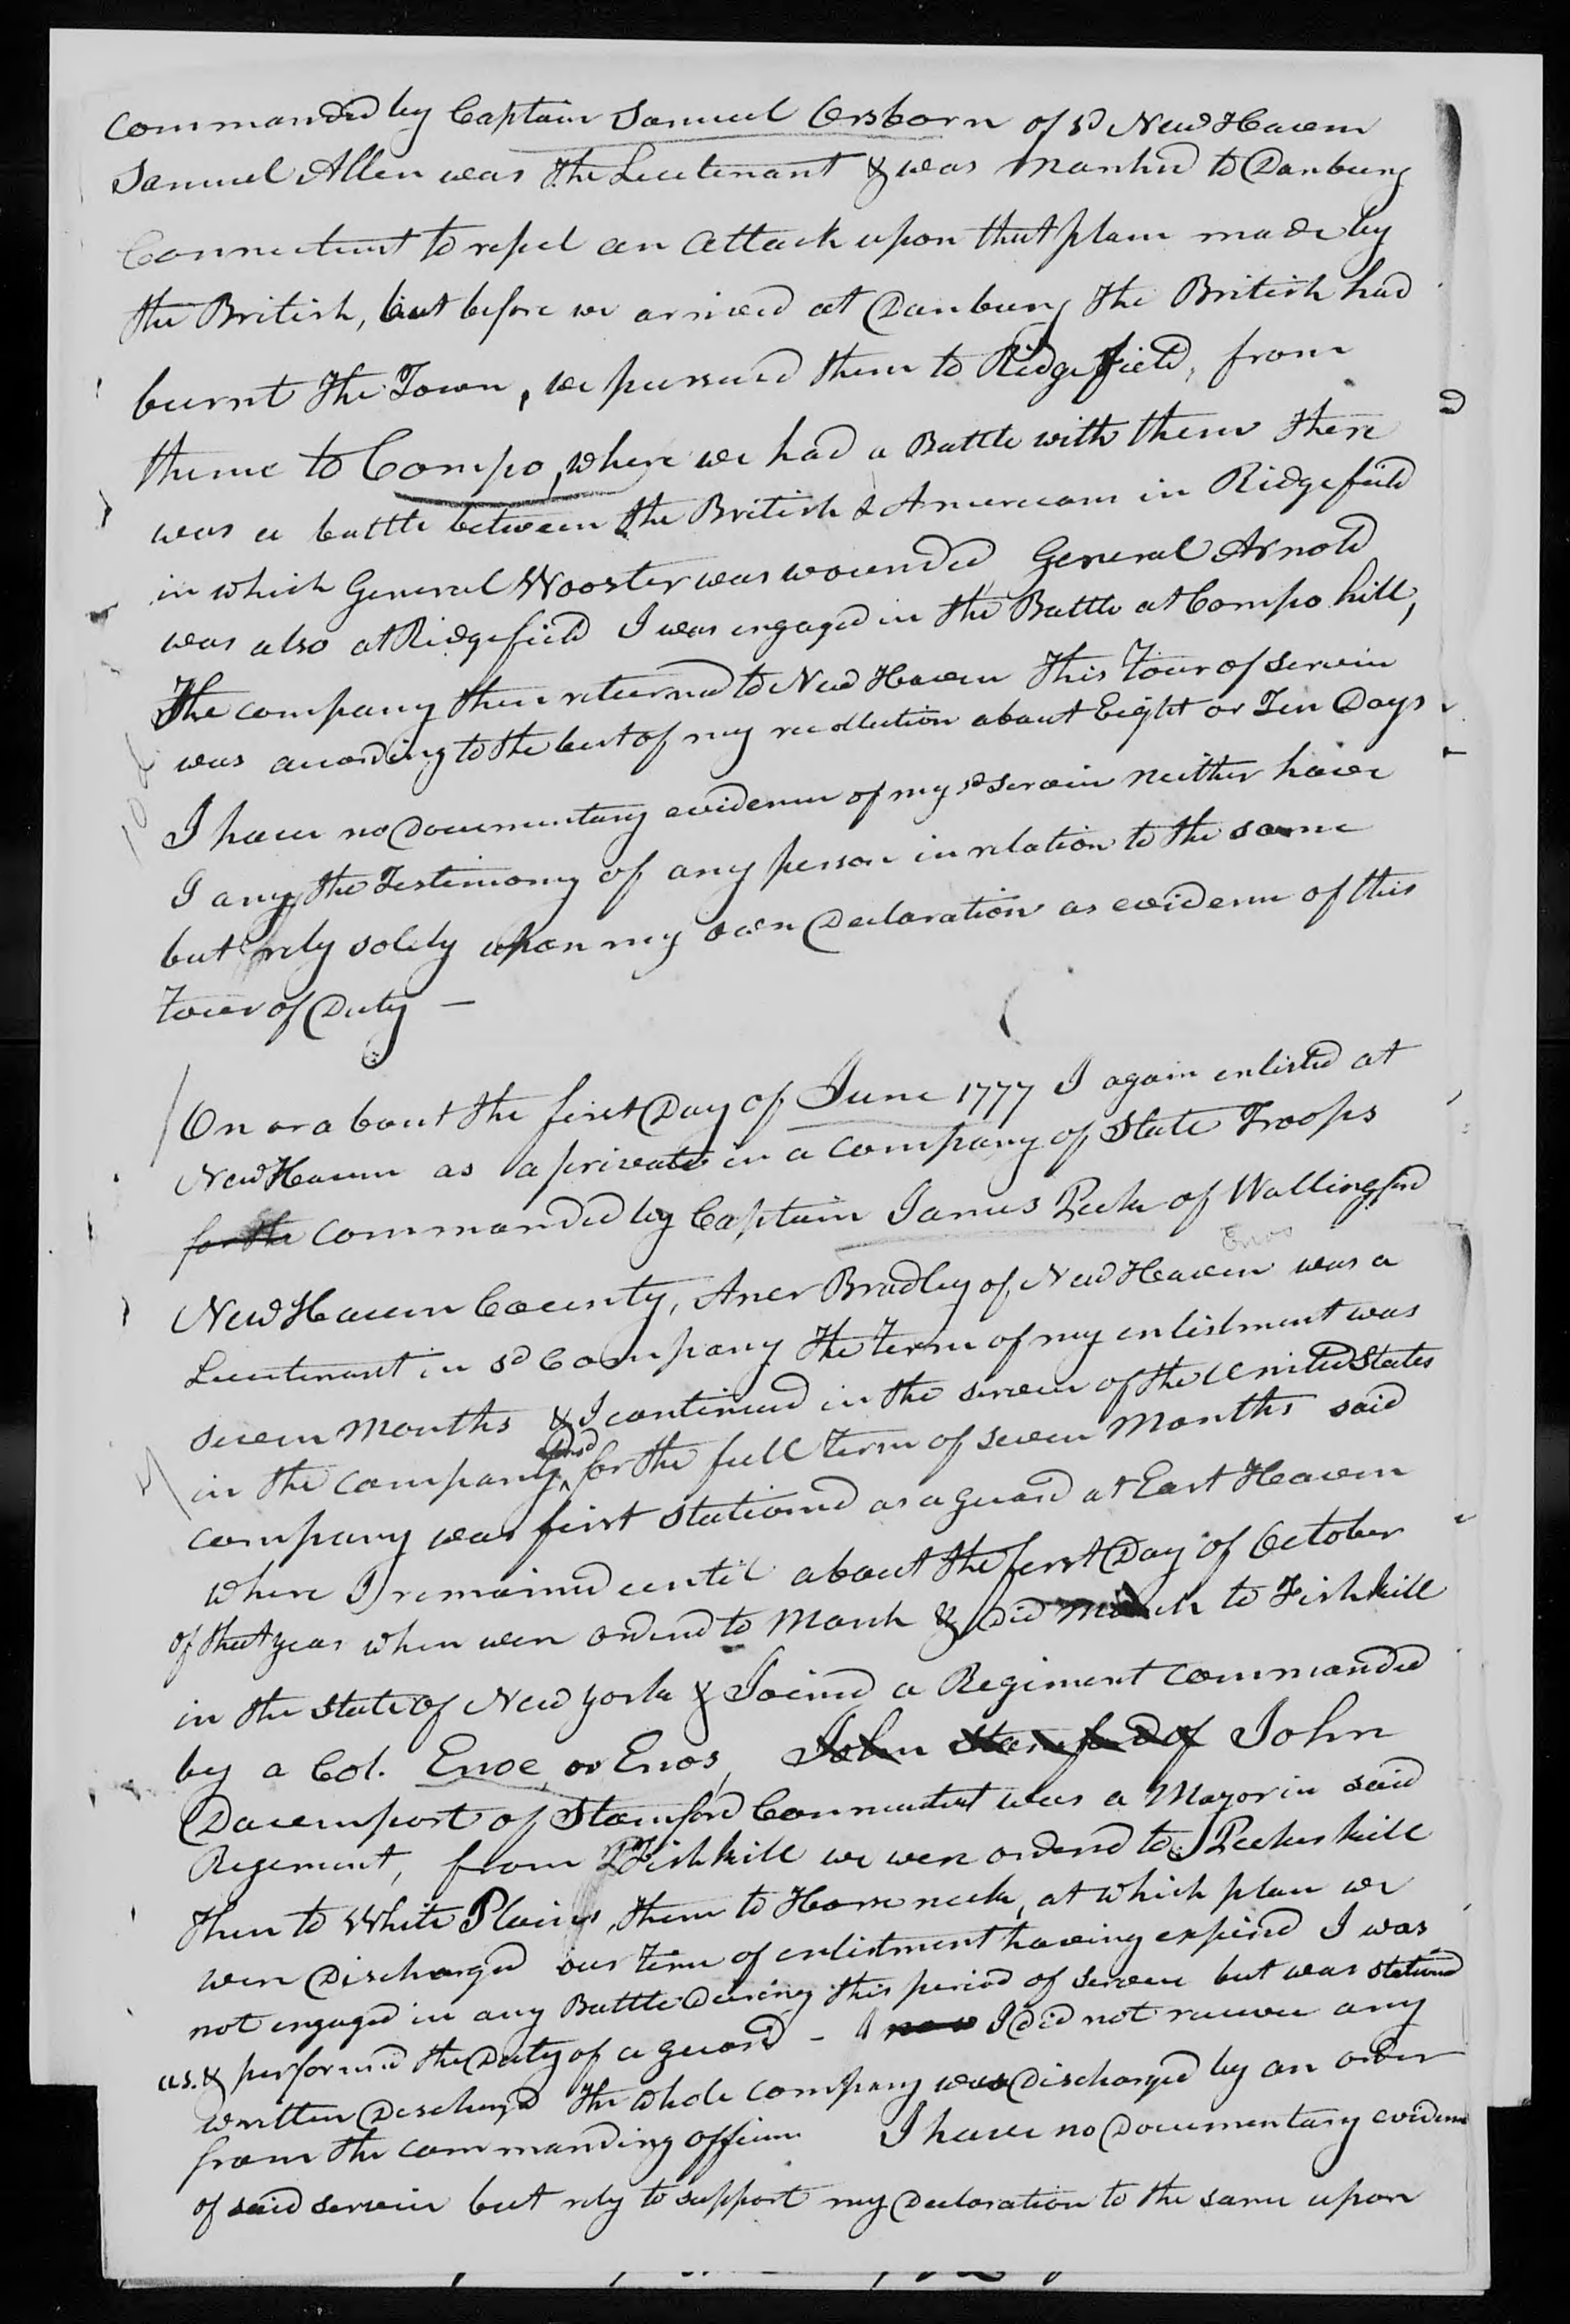commanded by Captain Samuel Osborn of s'd New Haven Samuel Allen was the Lieutenant & was marched to Danbury Connecticut to repel an attack upon that place made by the British, but before we armed at Danbury the British had burnt the Town, we pursued them to Ridgefield, from there to Compo where we had a Battle with them There was a battle between the British & Americans in Ridgefield in which General Wooster was wounded General Arnold was also at Ridgefield I was engaged in the Battle at Compo Hill, The company then returned to New Haven This Tour of Service was according to the best of my recollection about Eight or Ten days I have no commentary evidence of my service neither have I any the Testimony of any person in relation to the same but rely solely upon my own Declaration as evidence of the Tour of Duty -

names: John Davenport, James Pecke, Wooster, Samuel Allen, Enos, Arnold, Samuel Orsborn, Enos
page: 5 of 21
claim: survivor's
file: S. 14943, Wheeler Beecher, Conn.